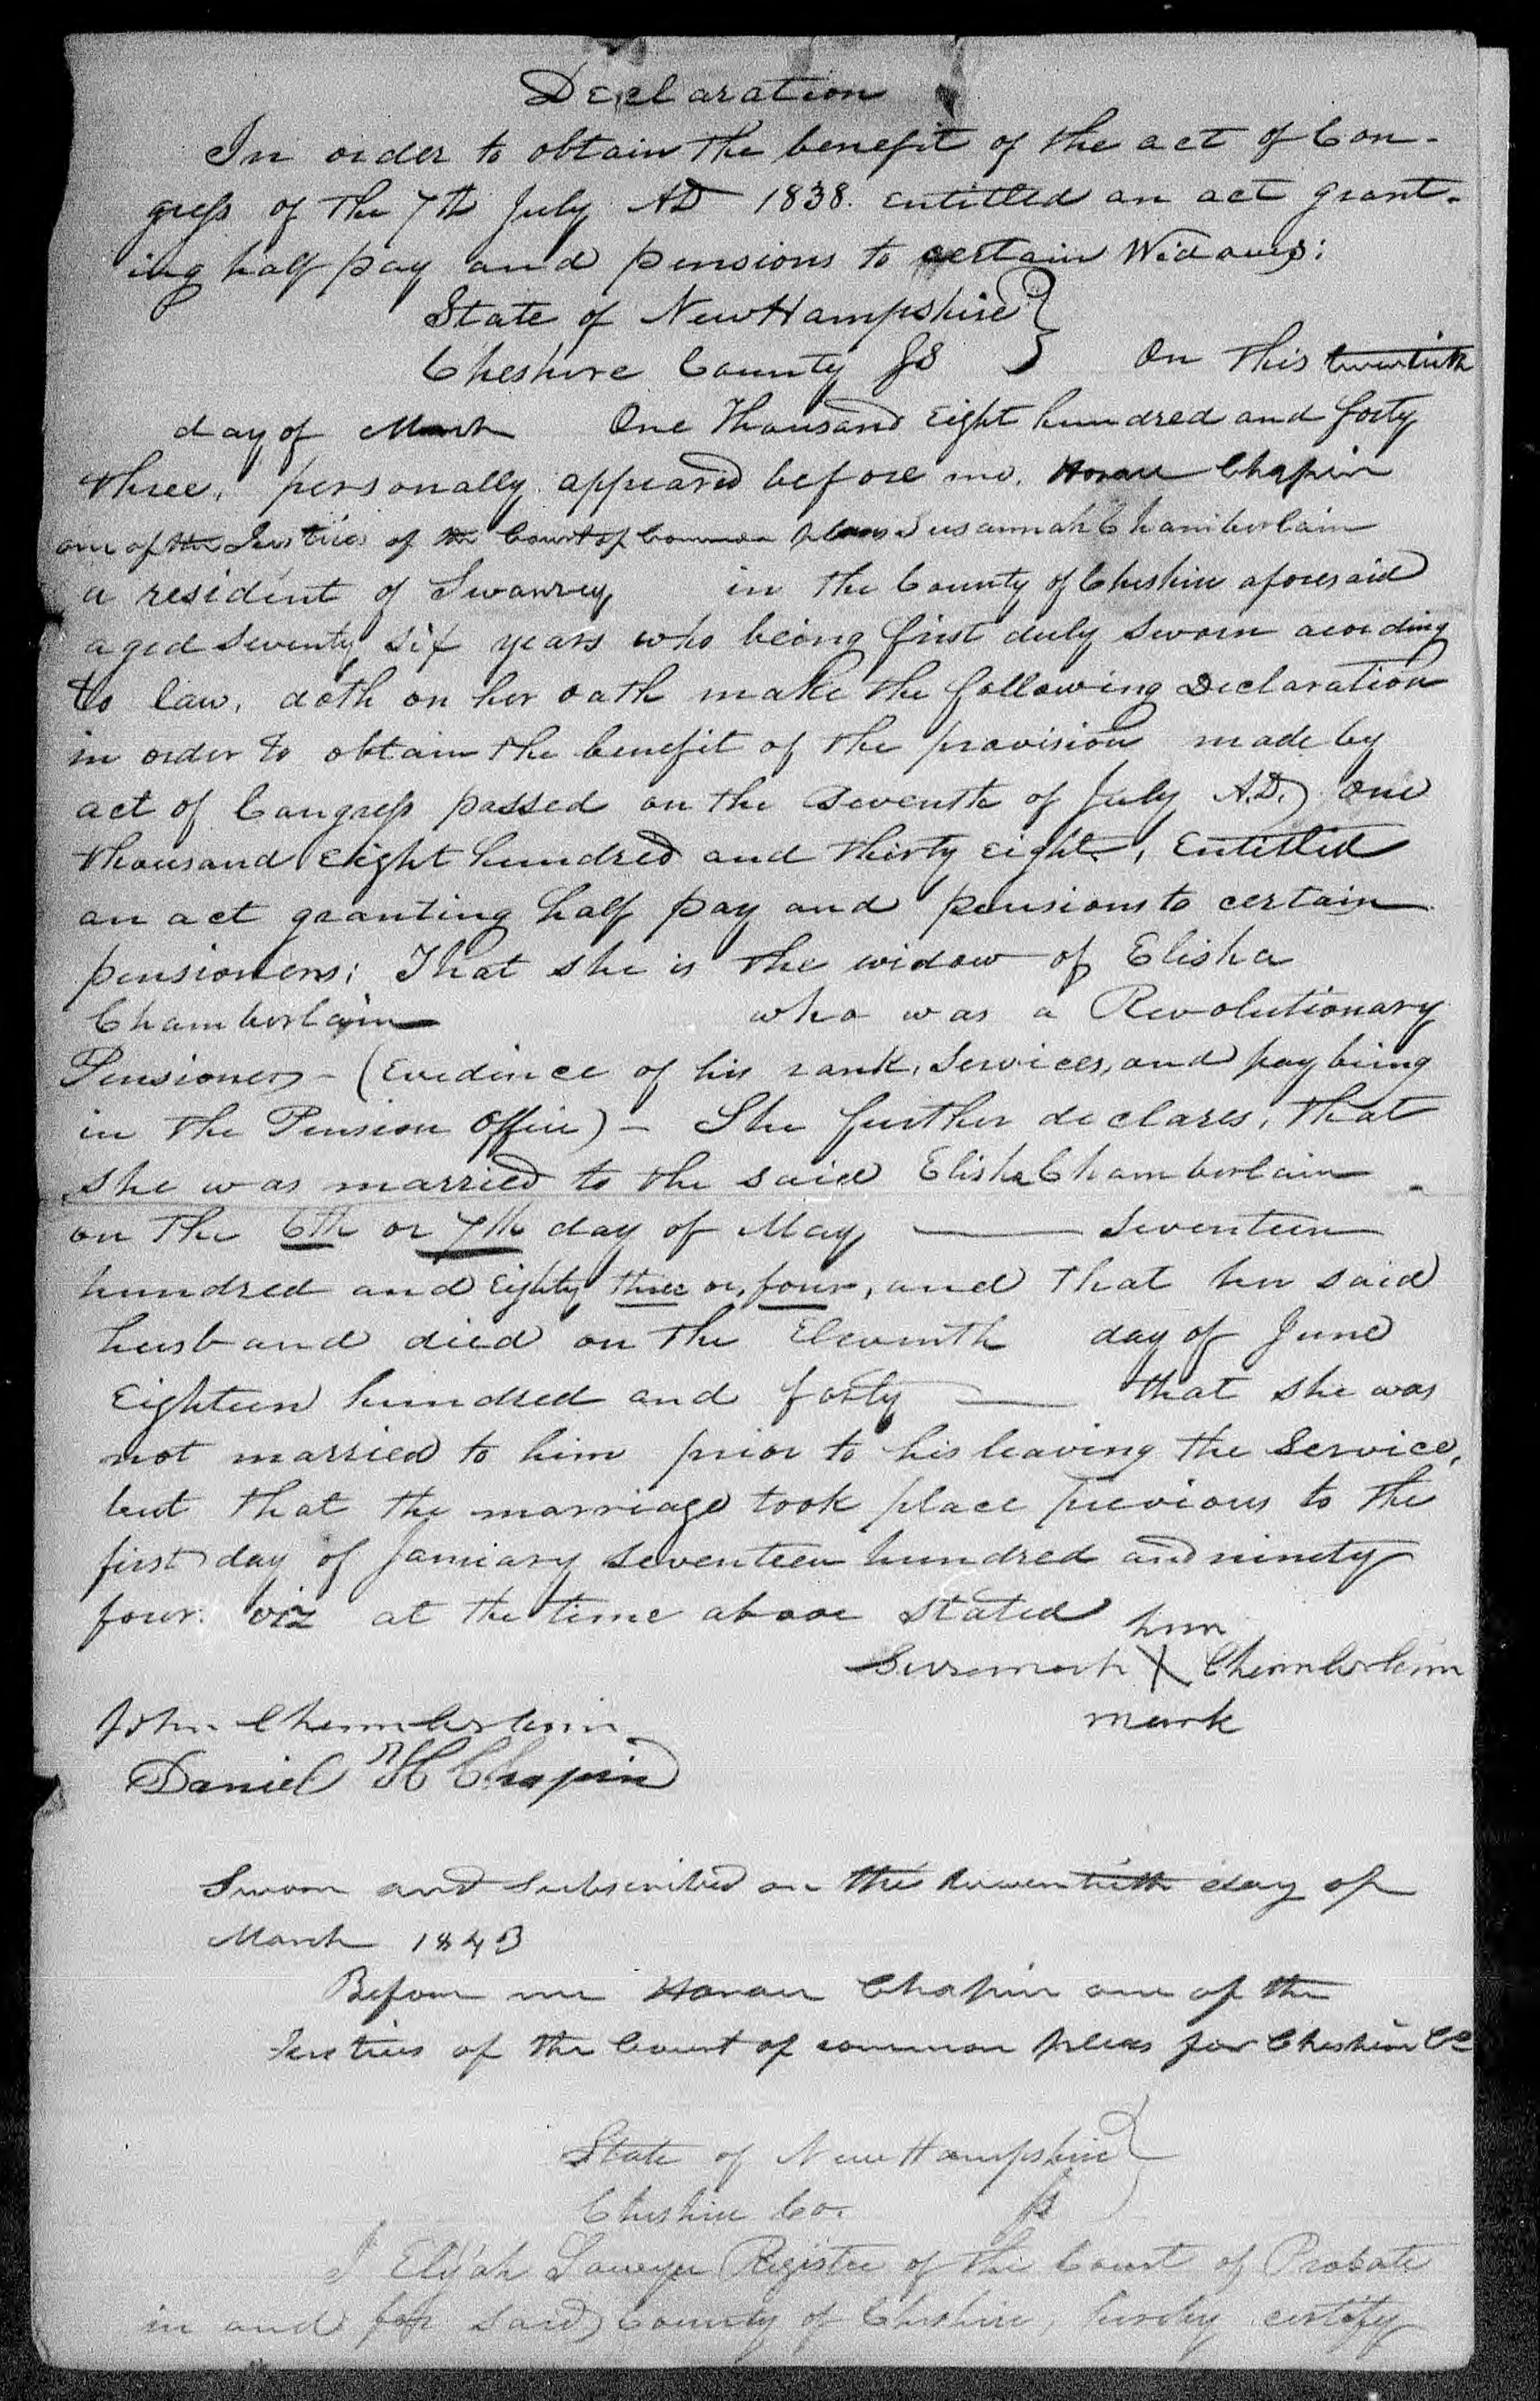Declaration
In order to obtain the benefit of the act of Congress
of the 7th July AD 1838 entitled an act granting
half pay and pensions to certain Widows:
State of New Hampshire}
Cheshire County [illegible]}  on this twentieth
day of March One Thousand Eight hundred and forty
three, personally appeared before me Horan Chapin
one of the Justices of the Court of Common Pleas Susannah Chamberlain
a resident of Swanzey in the County of Cheshire aforesaid
aged seventy six years who being first duly sworn according
to law, doth on her oath make the following Declaration
in order to obtain the benefit of the provision made by
act of Congress passed on the seventh of July A.D. one
thousand eight hundred and thirty eight, entitled
an act granting half pay and pensions to certain
pensioners:  That she is the widow of Elisha
Chamberlain who was a Revolutionary
Pensioner - (Evidence of his rank, services, and pay being
in the Pension Office) - She further declares, that
she was married to the said Elisha Chamberlain
on the 6th or 7th day of May  - seventeen
hundred and eighty three or four, and that her said
husband died on the eleventh day of June
eighteen hundred and forty - that she was
not married to him prior to his leaving the Service,
but that the marriage took place previous to the
first day of January Seventeen hundred and ninety
four viz at the time above stated
Susannah X Chamberlain her mark

John Chamberlain
Daniel H Chapin

Sworn and subscribed on the twentieth day of
March 1843
Before me Horan Chapin one of the
Justices of the Court of common pleas for Cheshire Co.

State of New Hampshire
Cheshire Co. 
I Elijah Sawyer Register of the Court of Probate
in and for said County of Cheshire, hereby certify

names: Susannah Chamberlain, Elisha Chamberlain, Susannah Chamberlain, Horan Chapin, Horan Chapin, Elisha Chamberlain, Elijah Sawyer, Daniel H Chapin, John Chamberlain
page: 6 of 24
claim: rejected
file: R. 1835, Elisha Chamberlain, Mass.